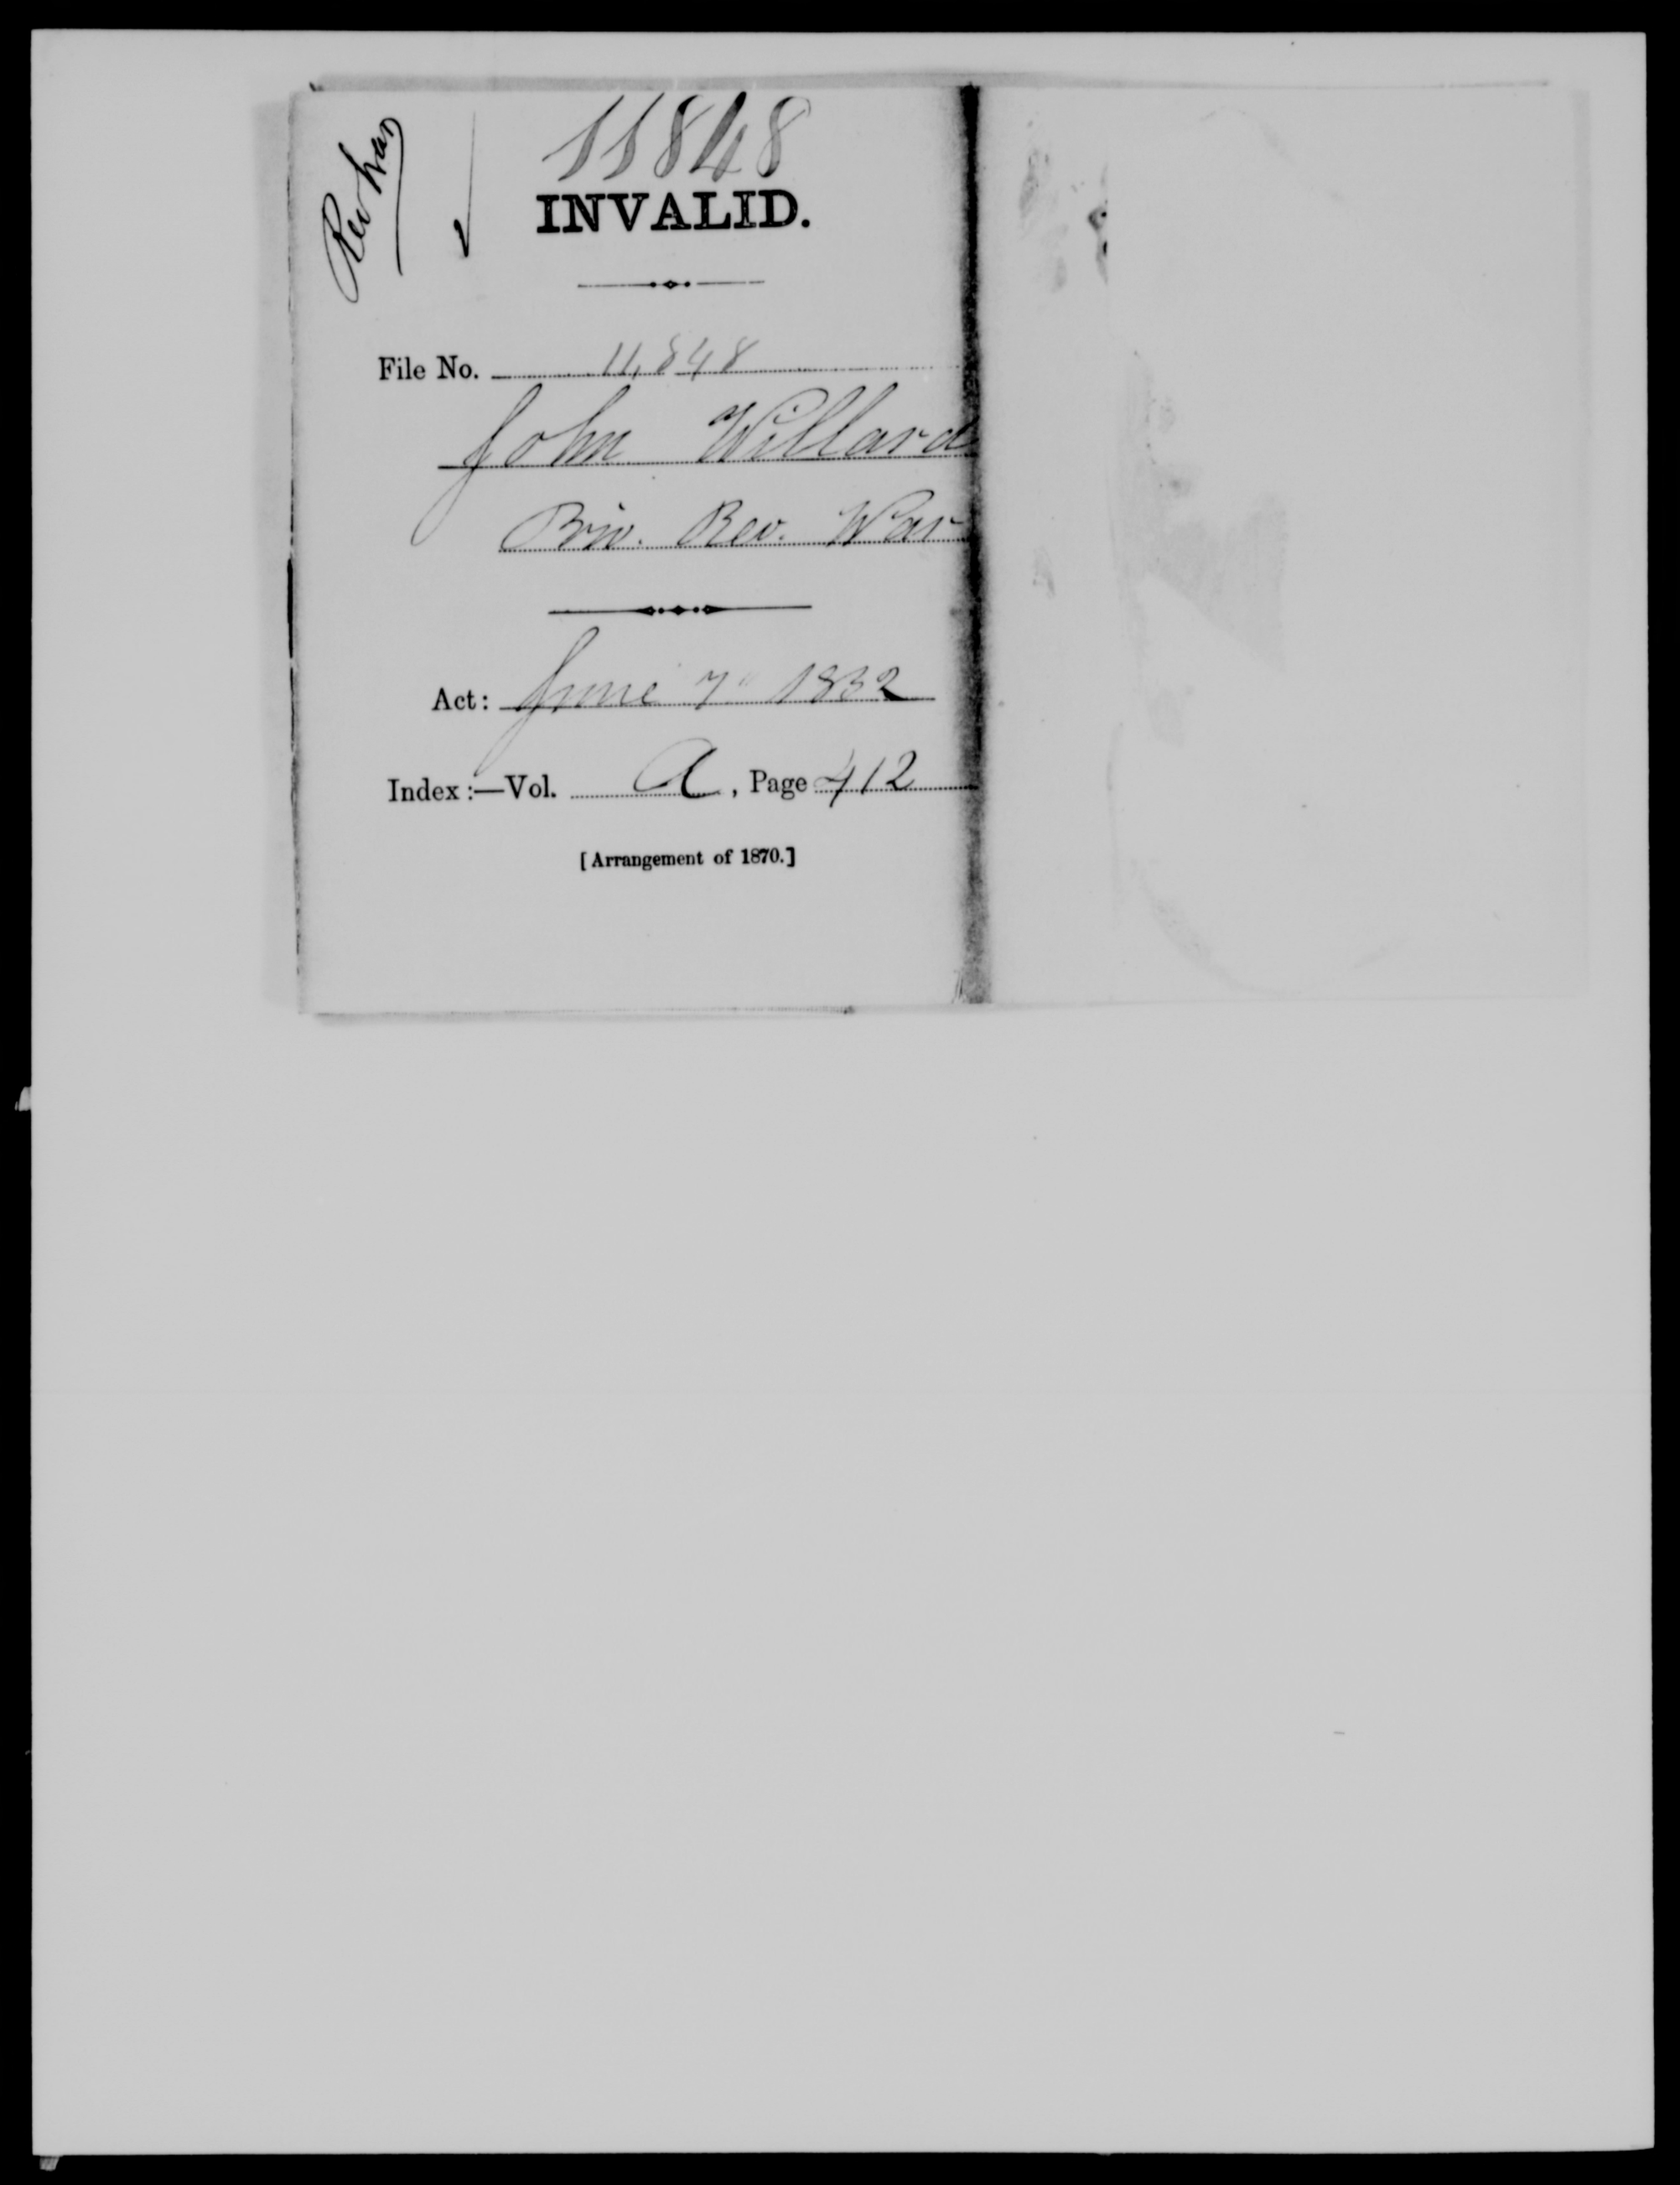Rev War
11848
INVALID
File No. 448
John Willard
Pri. Rev. War
-
Act: June 7 1832
Index: -- Vol. A, Page 12
Arrangement of 1870.]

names: John Willard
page: 13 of 18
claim: survivor's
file: S. 11848, John Willard, N. H.